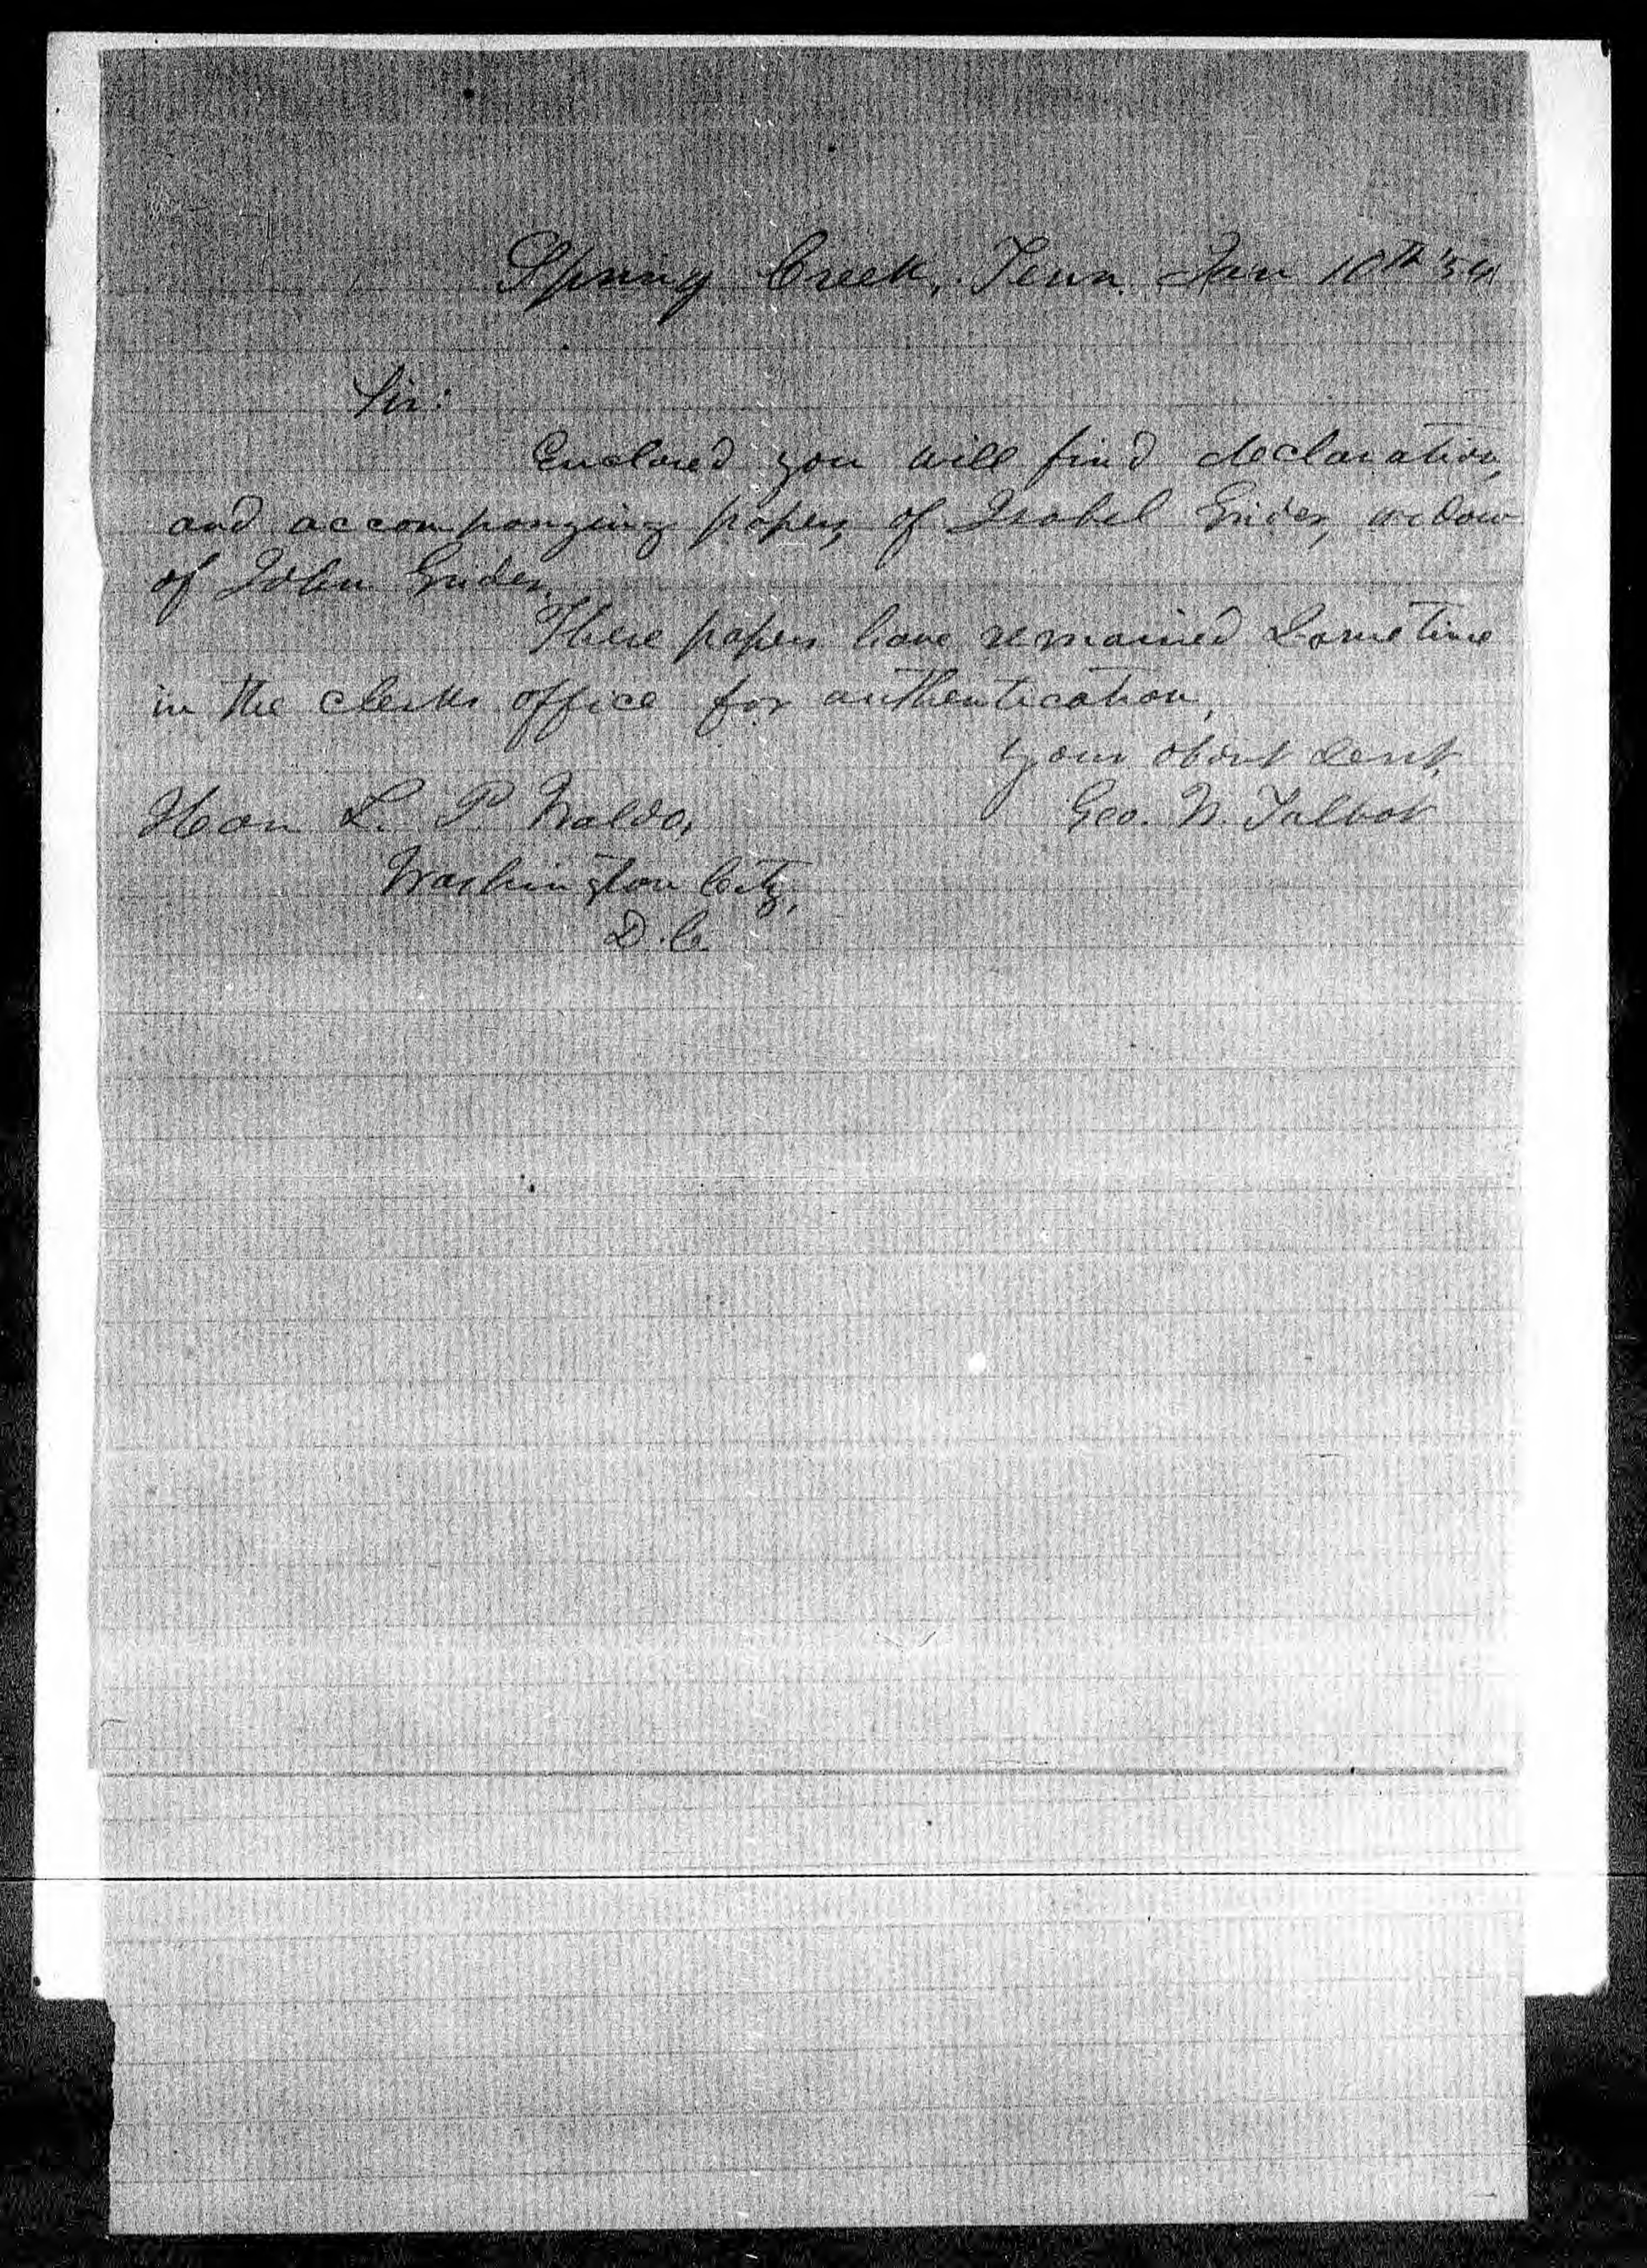Spring Creek, Tenn Jan 10th '54

Sir:
Enclosed you will find declaration and accompanying papers, of Isabel Grider, widow of John Grider.
     These papers have remained sometime in the clerks office for authentication.  
Your obet sevt
Geom N Talbot

Hon L. P. Waldo
Washington City
D.C.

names: Geo W Talbot, Isabel Grider, L P Waldo, John Grider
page: 42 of 91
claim: widow's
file: W 358, John Grider, N.C.